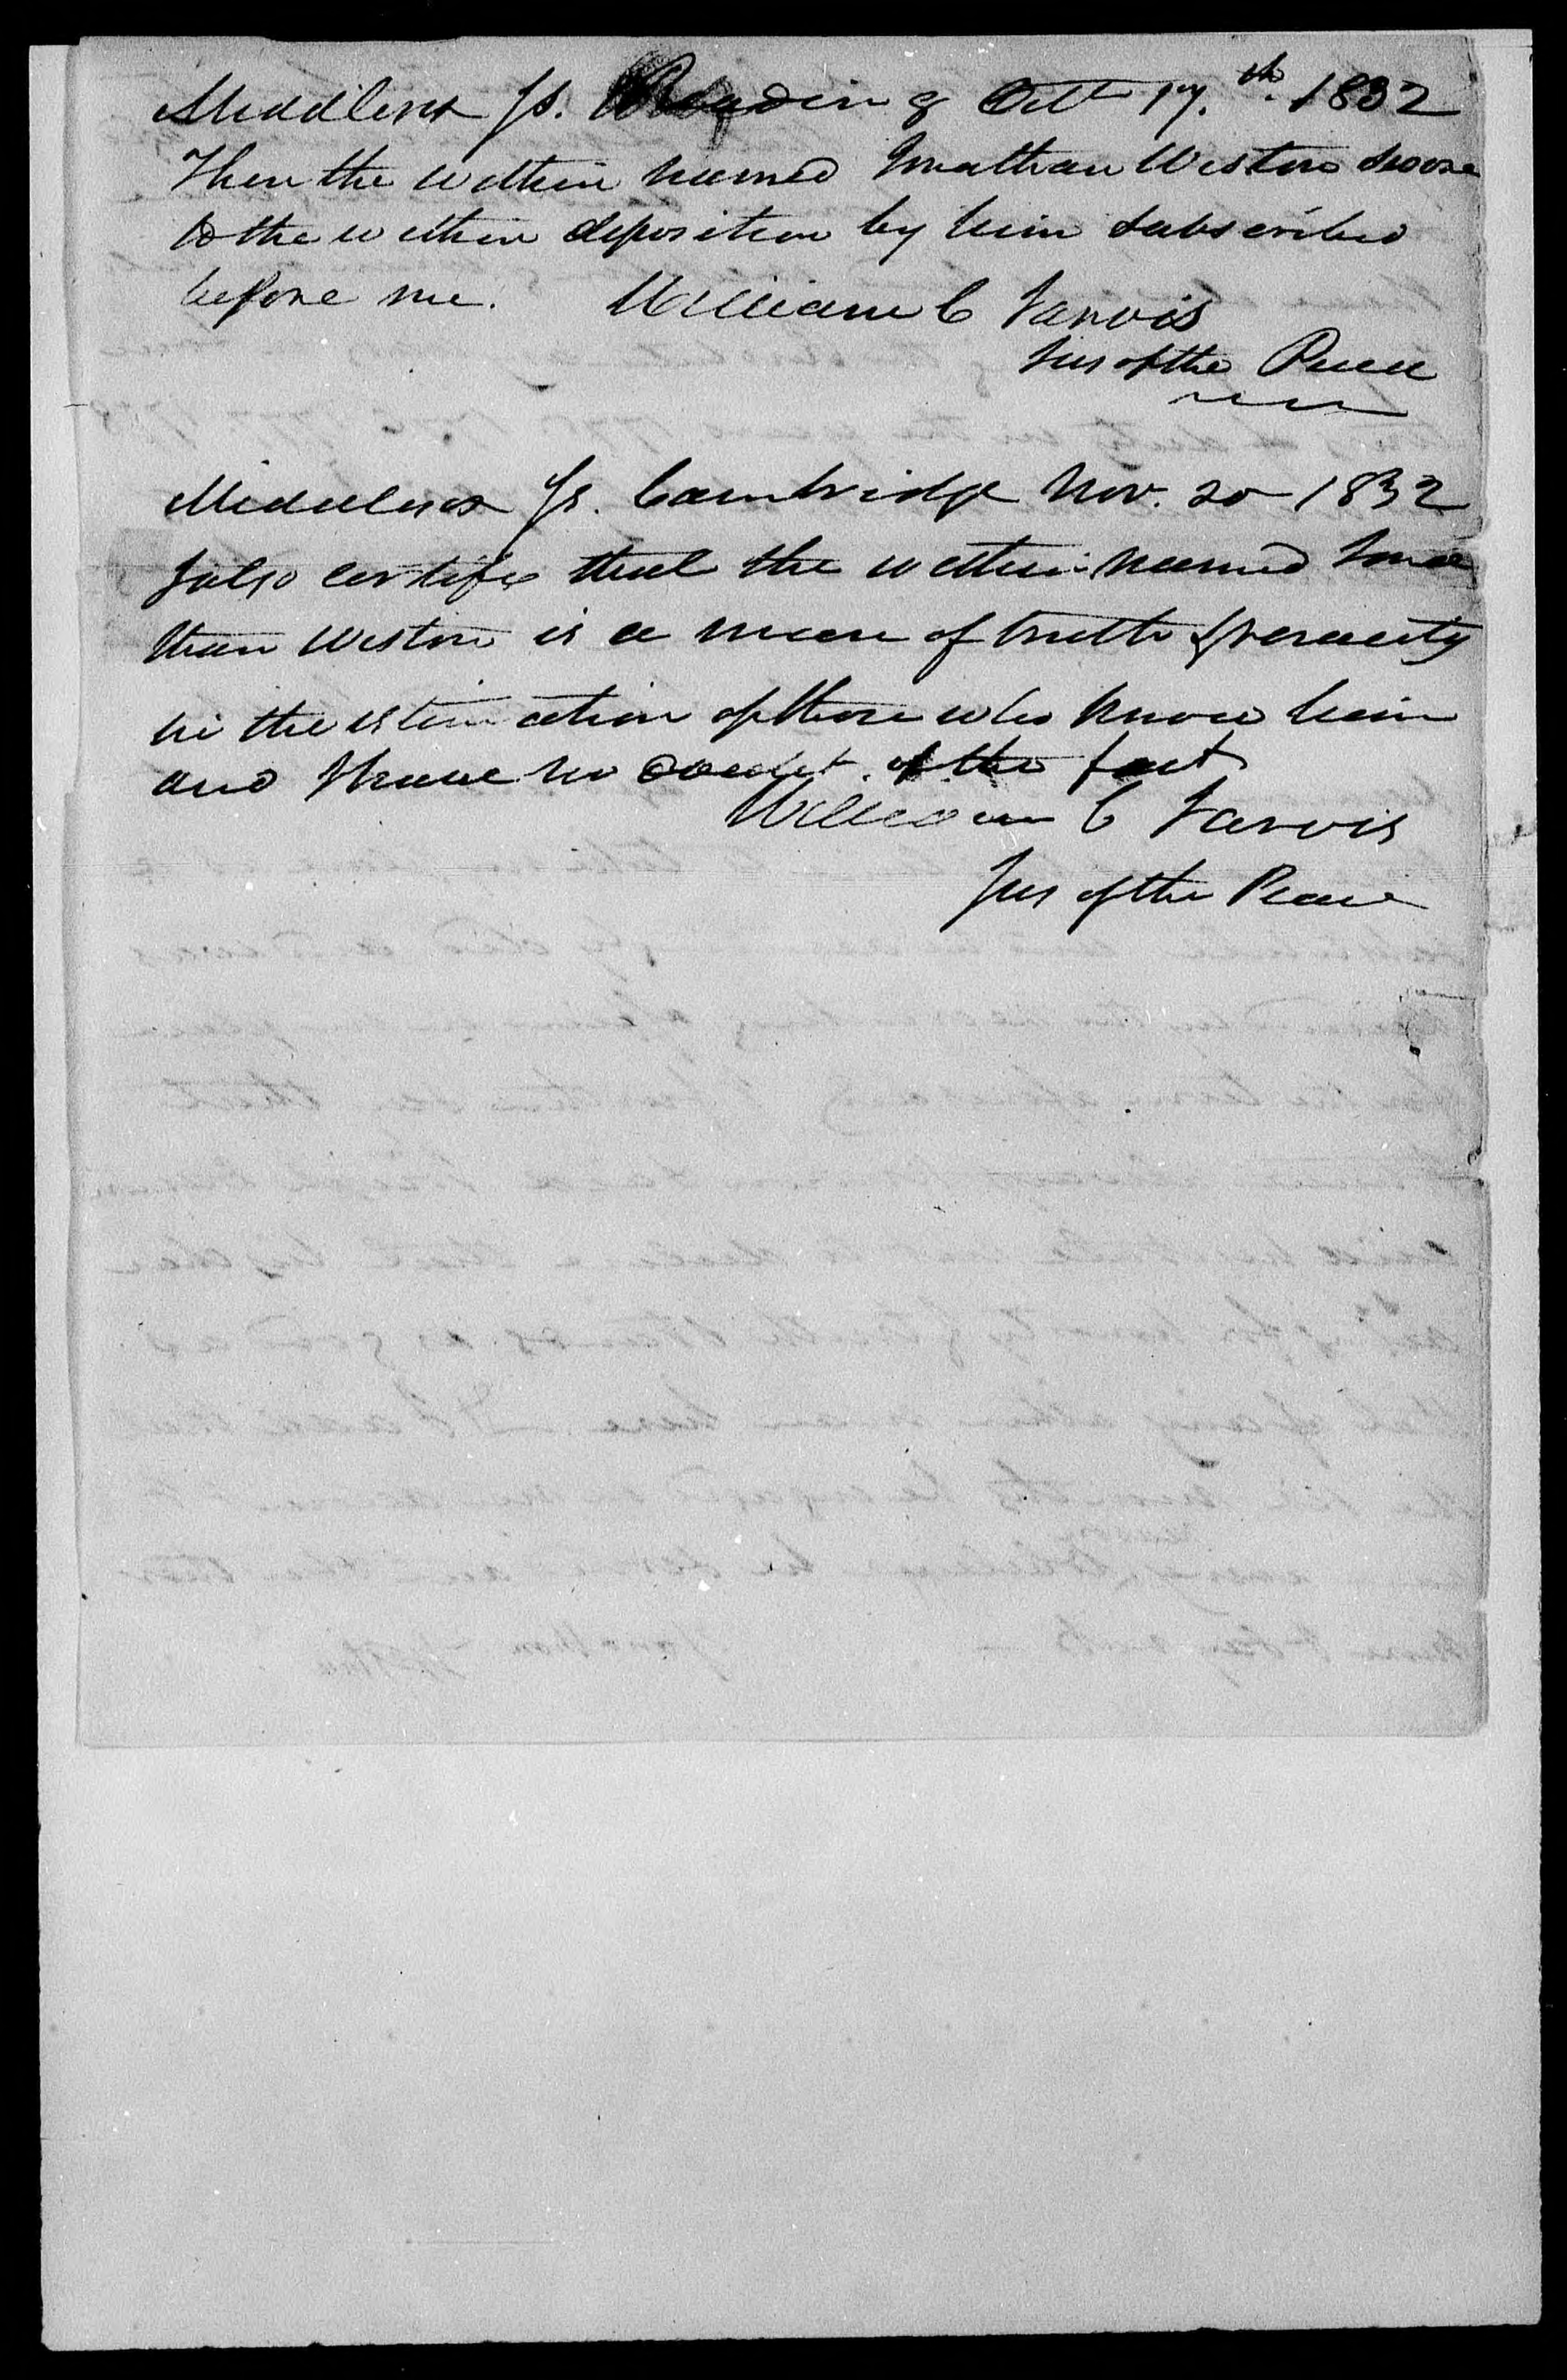Middlesex ss. Reading Oct 17th 1832
Then the within named Jonathan Weston swore to the within deposition by him subscribed before me.
William C Jarvis
Jus of the Peace
---------

Middlesex ss. Cambridge Nov. 20 1832
I also certify that the within named Jonathan Weston is a man of truth & veracity in the estimation of those who know him and I have no doubt of the fact
William C Jarvis
Jus of the Peace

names: Jonathan Weston, William C Jarvis, William C Jarvis, Jonathan Weston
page: 20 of 28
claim: survivor's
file: S. 17376, Joseph Damon, Continental Mass.